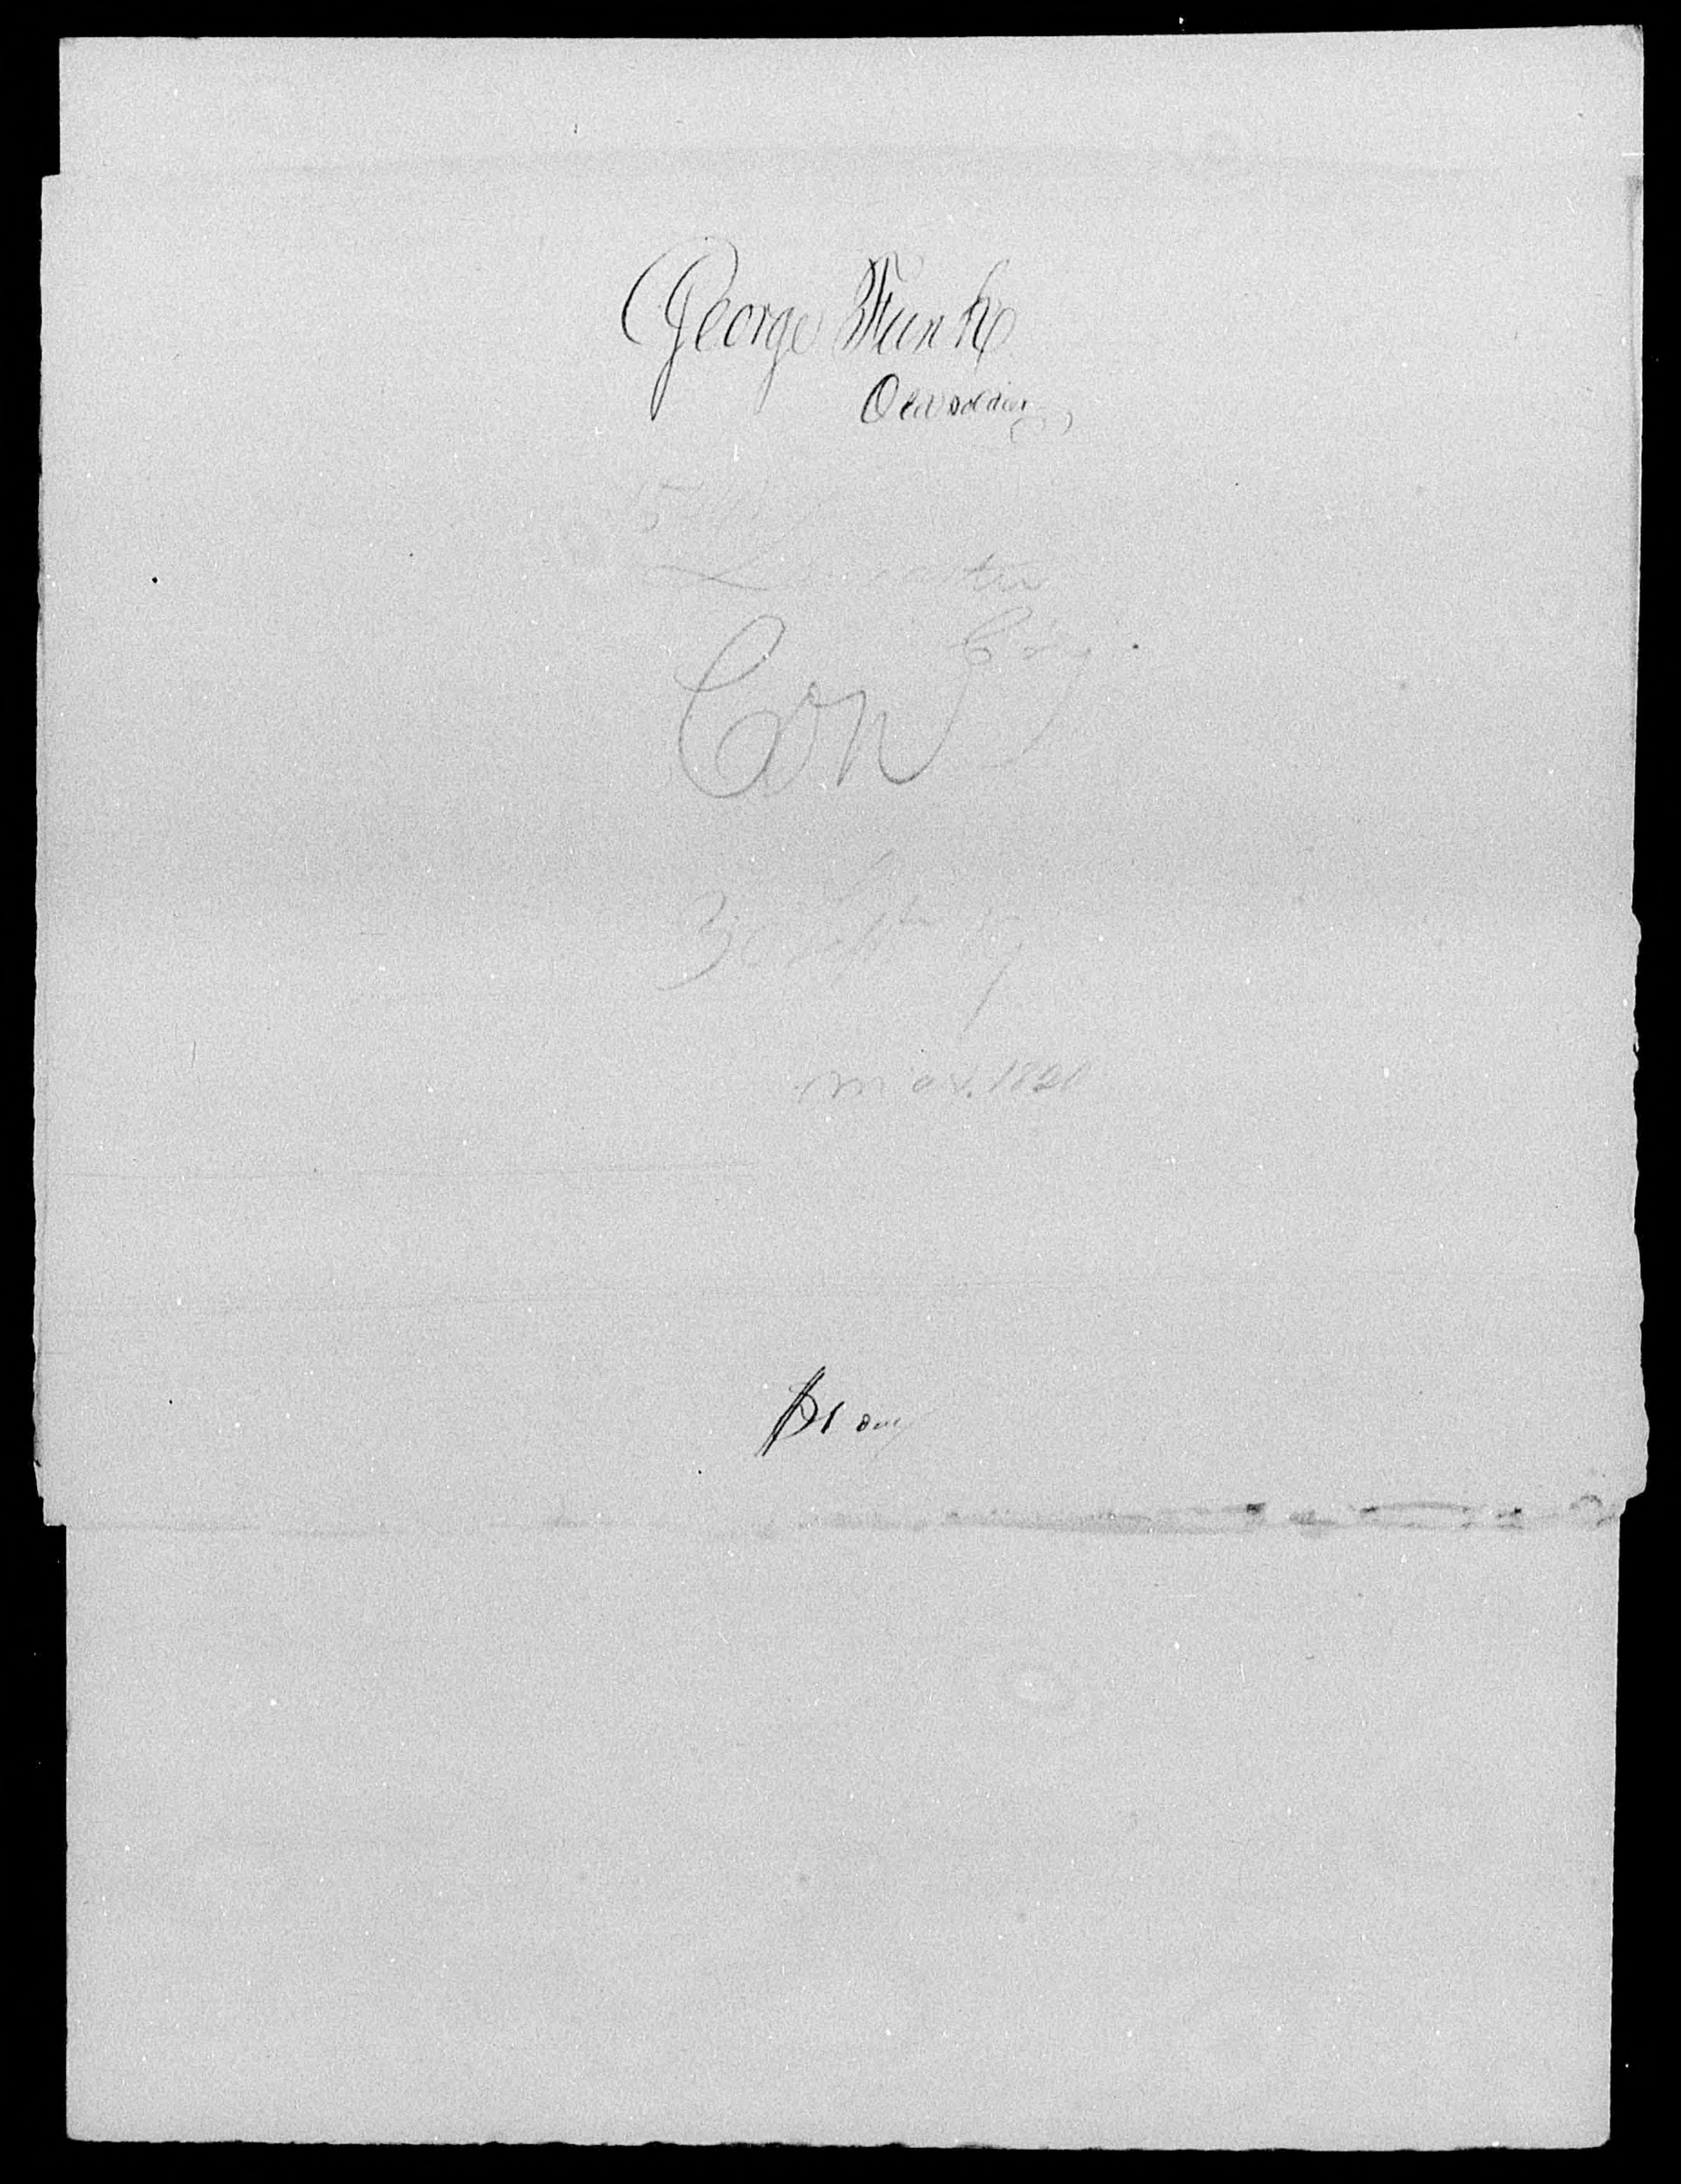George Funk
old soldier
15443
Lancaster County
Con.
30 Sept 1819
Mar. 1820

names: George Funk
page: 10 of 11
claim: survivor's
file: S. 41553, George Funk, Continental (German Regiment)